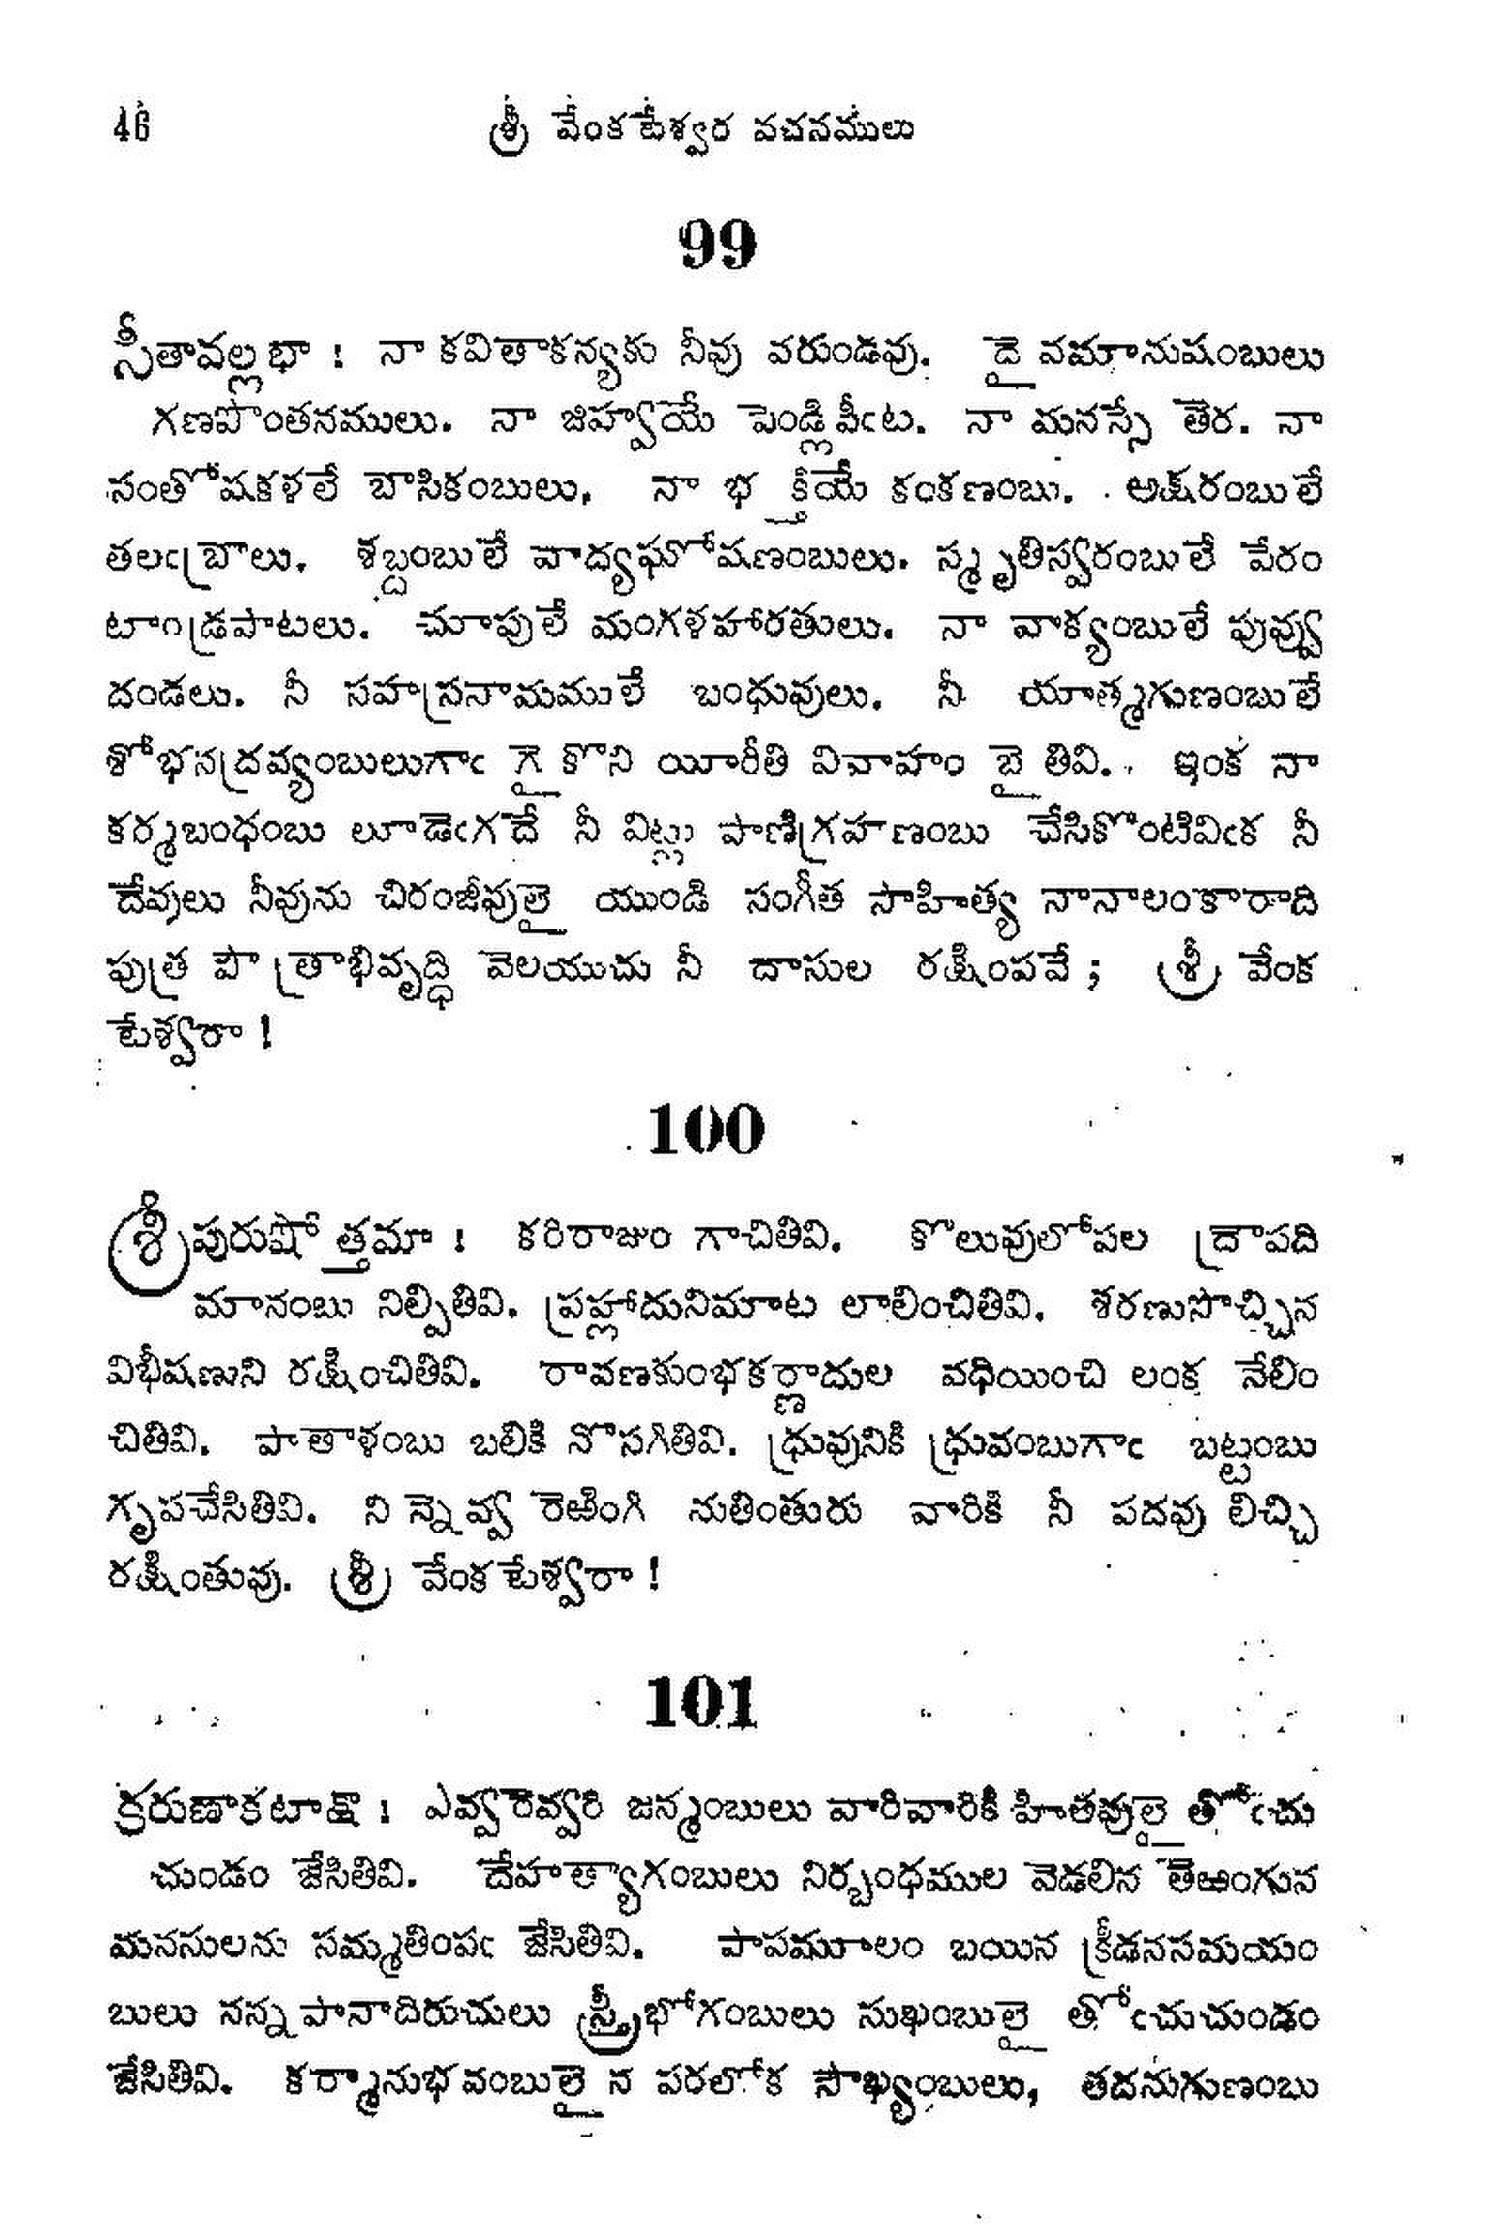99

 ! నా కవితాకన్యకు నీవు వరుండవు. డైనమానుషంబులు గణపొంతనములు. నా జిహ్వయే పెండ్లి పీఁట. నా మనస్సే తెర. నా సంతోషకళలే బాసికంబులు, నా భ క్తియే కంకణంబు. అక్షరంబులే తలంబ్రాలు. శబ్దంబు లే వాద్యఘోషణంబులు. స్మృతిస్వరంబు లే పేరం టాండ్రపాటలు. చూపులే మంగళ హారతులు. నా వాక్యంబు లే పువ్వు దండలు. నీ సహస్రనామములే బంధువులు. నీ యాత్మగుణంబు లే శోభన ద్రవ్యంబులుగాఁ గై కొని యీరీతి వివాహం బై తివి. ఇంక నా కర్మబంధంబు లూడెఁగదే నీ విట్టు పాణిగ్రహణంబు చేసికొంటివిఁక నీ దేవులు నీవును చిరంజీవులై యుండి సంగీత సాహిత్య నానాలంకారాది పుత్ర పౌత్రాభివృద్ధి వెలయుచు నీ దాసుల రక్షింపవే ; శ్రీ వేంకటేశ్వరా !

100

 ! కరిరాజుం గాచితివి. కొలువులోపల ద్రౌపది మానంబు నిల్పితివి. ప్రహ్లాదునిమాట లాలించితివి. శరణుసొచ్చిన విభీషణుని రక్షించితివి. రావణకుంభకర్ణాదుల వధియించి లంక నేలిం చితివి. పాతాళంబు బలికి నొసగితివి. ధ్రువునికి ధ్రువంబుగాఁ బట్టంబు గృపచేసితివి. నిన్నెవ్వ 'రెఱింగి నుతింతురు వారికి నీ పదవు లిచ్చి రక్షింతువు. శ్రీ వేంకటేశ్వరా !

101

 ! ఎవ్వరెవ్వరి జన్మంబులు వారివారికి హితవులై తోచు చుండం జేసితివి. దేహత్యాగంబులు నిర్బంధముల వెడలిన తెఱంగున మనసులను సమ్మతింపఁ జేసితివి. పాపమూలం బయిన క్రీడనసమయం బులు నన్న పానాదిరుచులు స్త్రీ భోగంబులు సుఖంబులై తోచుచుండం 'జేసితివి. కర్మానుభవంబులై న పరలోక సౌఖ్యంబులు, తదనుగుణంబు